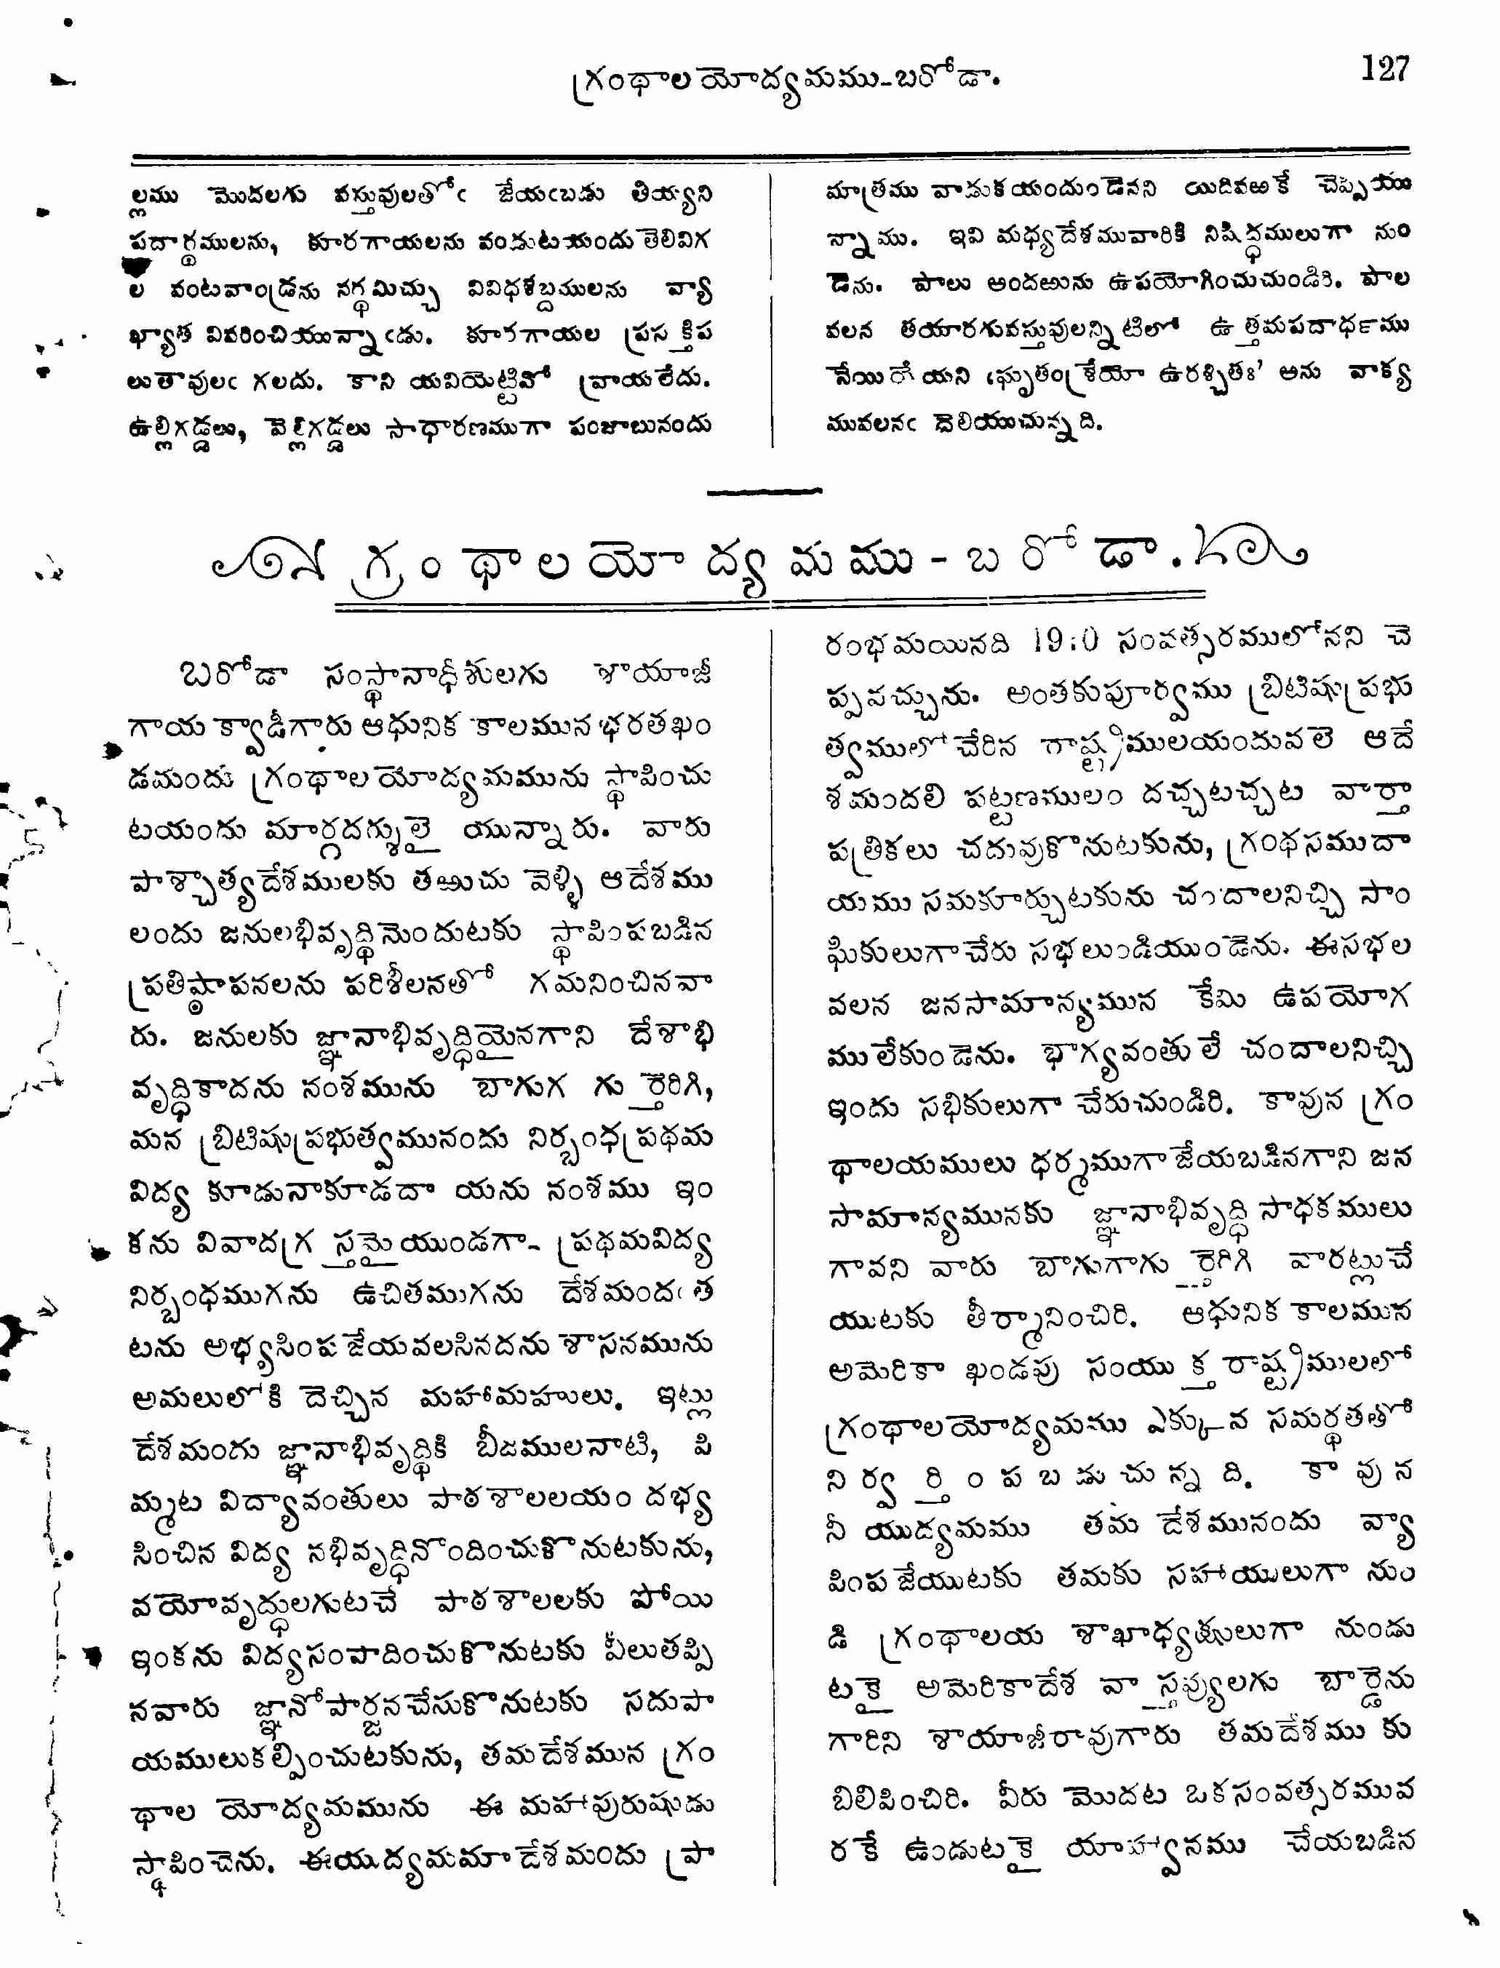లము మొదలగు వస్తువులతోఁ జేయఁబడు తియ్యని
పదార్థములను, కూరగాయలను వండుటయందు తెలివిగ
ల వంటవాండ్రను నగ్ధమిచ్చు వివిధ శబ్దములను వ్యా
ఖ్యాత వివరించియున్నాఁడు. కూరగాయల ప్రసక్తిప
లుతావులఁ గలదు. కాని యవియెట్టివో వ్రాయలేదు.
ఉల్లిగడ్డలు, వెళ్లిగడ్డలు సాధారణముగా పంజాబునందు
మాత్రము వాడుకయందుండెనని యిదివఱకే చెప్పియు
న్నాము. ఇవి మధ్యదేశమువారికి నిషిద్ధములుగా నుం
పాలు అందఱును ఉపయోగించుచుండిరి. పాల
వలన తయారగువస్తువులన్నిటిలో ఉత్తమపదాధ౯ము
వేయిరేయని (మృతంశ్రేయా ఉరశ్చితః' అను వాక్య
మువలనఁ దెలియుచున్నది.

బరోడా సంస్థానాధీశులగు శాయాజీ
గాయ క్వాడీగారు ఆధునిక కాలమున భరతఖండమందు గ్రంథాలయోద్యమమును స్థాపించుటయందు మార్గదర్శులై యున్నారు. వారు
పాశ్చాత్య దేశములకు తఱుచు వెళ్ళి ఆదేశములందు జనులభివృద్ధినొందుటకు స్థాపింపబడిన
ప్రతిష్ఠాపనలను పరిశీలనతో గమనించినవారు. జనులకు జ్ఞానాభివృద్ధియైనగాని దేశాభివృద్ధి కాదను నంశమును బాగుగ గుర్తెరిగి, మన బ్రిటిషు ప్రభుత్వమునందు నిర్బంధ ప్రథమ విద్య కూడునా కూడదా యను నంశము ఇంకను వివాదగ్రస్తమైయుండగా- ప్రథమవిద్య
నిర్బంధముగను ఉచితముగను దేశమందఁతటను అభ్యసింపజేయవలసినదను శాసనమును
అమలులోకి దెచ్చిన మహామహులు. ఇట్లు
దేశమందు జ్ఞానాభివృద్ధికిది బీజములనాటి, పిమ్మట విద్యావంతులు పాఠశాలలయందభ్యసించిన విద్య నభివృద్ధినొందించుకొనుటకును, వయోవృద్ధులగుటచే పాఠశాలలకు పోయి
ఇంకను విద్య సంపాదించుకొనుటకు వీలుతప్పినవారు జ్ఞానోపార్జన చేసుకొనుటకు సదుపాయములు కల్పించుటకును, తమదేశమున గ్రంథాలయోద్యమమును ఈ మహాపురుషుడు
స్థాపించెను. ఈ యుద్యమమా దేశమందు ప్రారంభ మయినది 1910 సంవత్సరములోనని చెప్పవచ్చును. అంతకుపూర్వము బ్రిటిషు ప్రభుత్వములో చేరిన రాష్ట్రములయందువలె ఆదేశమందలి పట్టణములందచ్చటచ్చట వార్తాపత్రికలు చదువుకొనుటకును, గ్రంథ సముదా
యము సమకూర్చుటకును చందాలనిచ్చి సాంఘికులుగా చేరు సభలుండియుండెను. ఈసభల
వలన జనసామాన్యమున కేమి ఉపయోగములేకుండెను. భాగ్యవంతులే చందాలనిచ్చి
ఇందు సభికులుగా చేరుచుండిరి. కావున గ్రంథాలయములు ధర్మముగా జేయబడినగాని జన
సామాన్యమునకు జ్ఞానాభివృద్ధి సాధకములు గావని వారు బాగుగాగుర్తెరిగి వారట్లుచేయుటకు తీర్మానించిరి, ఆధునిక కాలమున
అమెరికా ఖండపు సంయుక్త రాష్ట్రములలో
గ్రంథాలయోద్యమము ఎక్కువ సమర్థతతో
నిర్వర్తింపబడుచున్నది. కావున
నీ యుద్యమము
తమ దేశమునందు వ్యాపింప జేయుటకు తమకు సహాయులుగా నుండి గ్రంథాలయ శాఖాధ్యక్షులుగా నుండుటకై అమెరికాదేశ వాస్తవ్యులగు బార్డెనుగారిని శాయాజీరావుగారు తమదేశముకు
బిలిపించిరి. వీరు మొదట ఒక సంవత్సరమువరకే ఉండుటకై యాహ్వానము
చేయబడిన